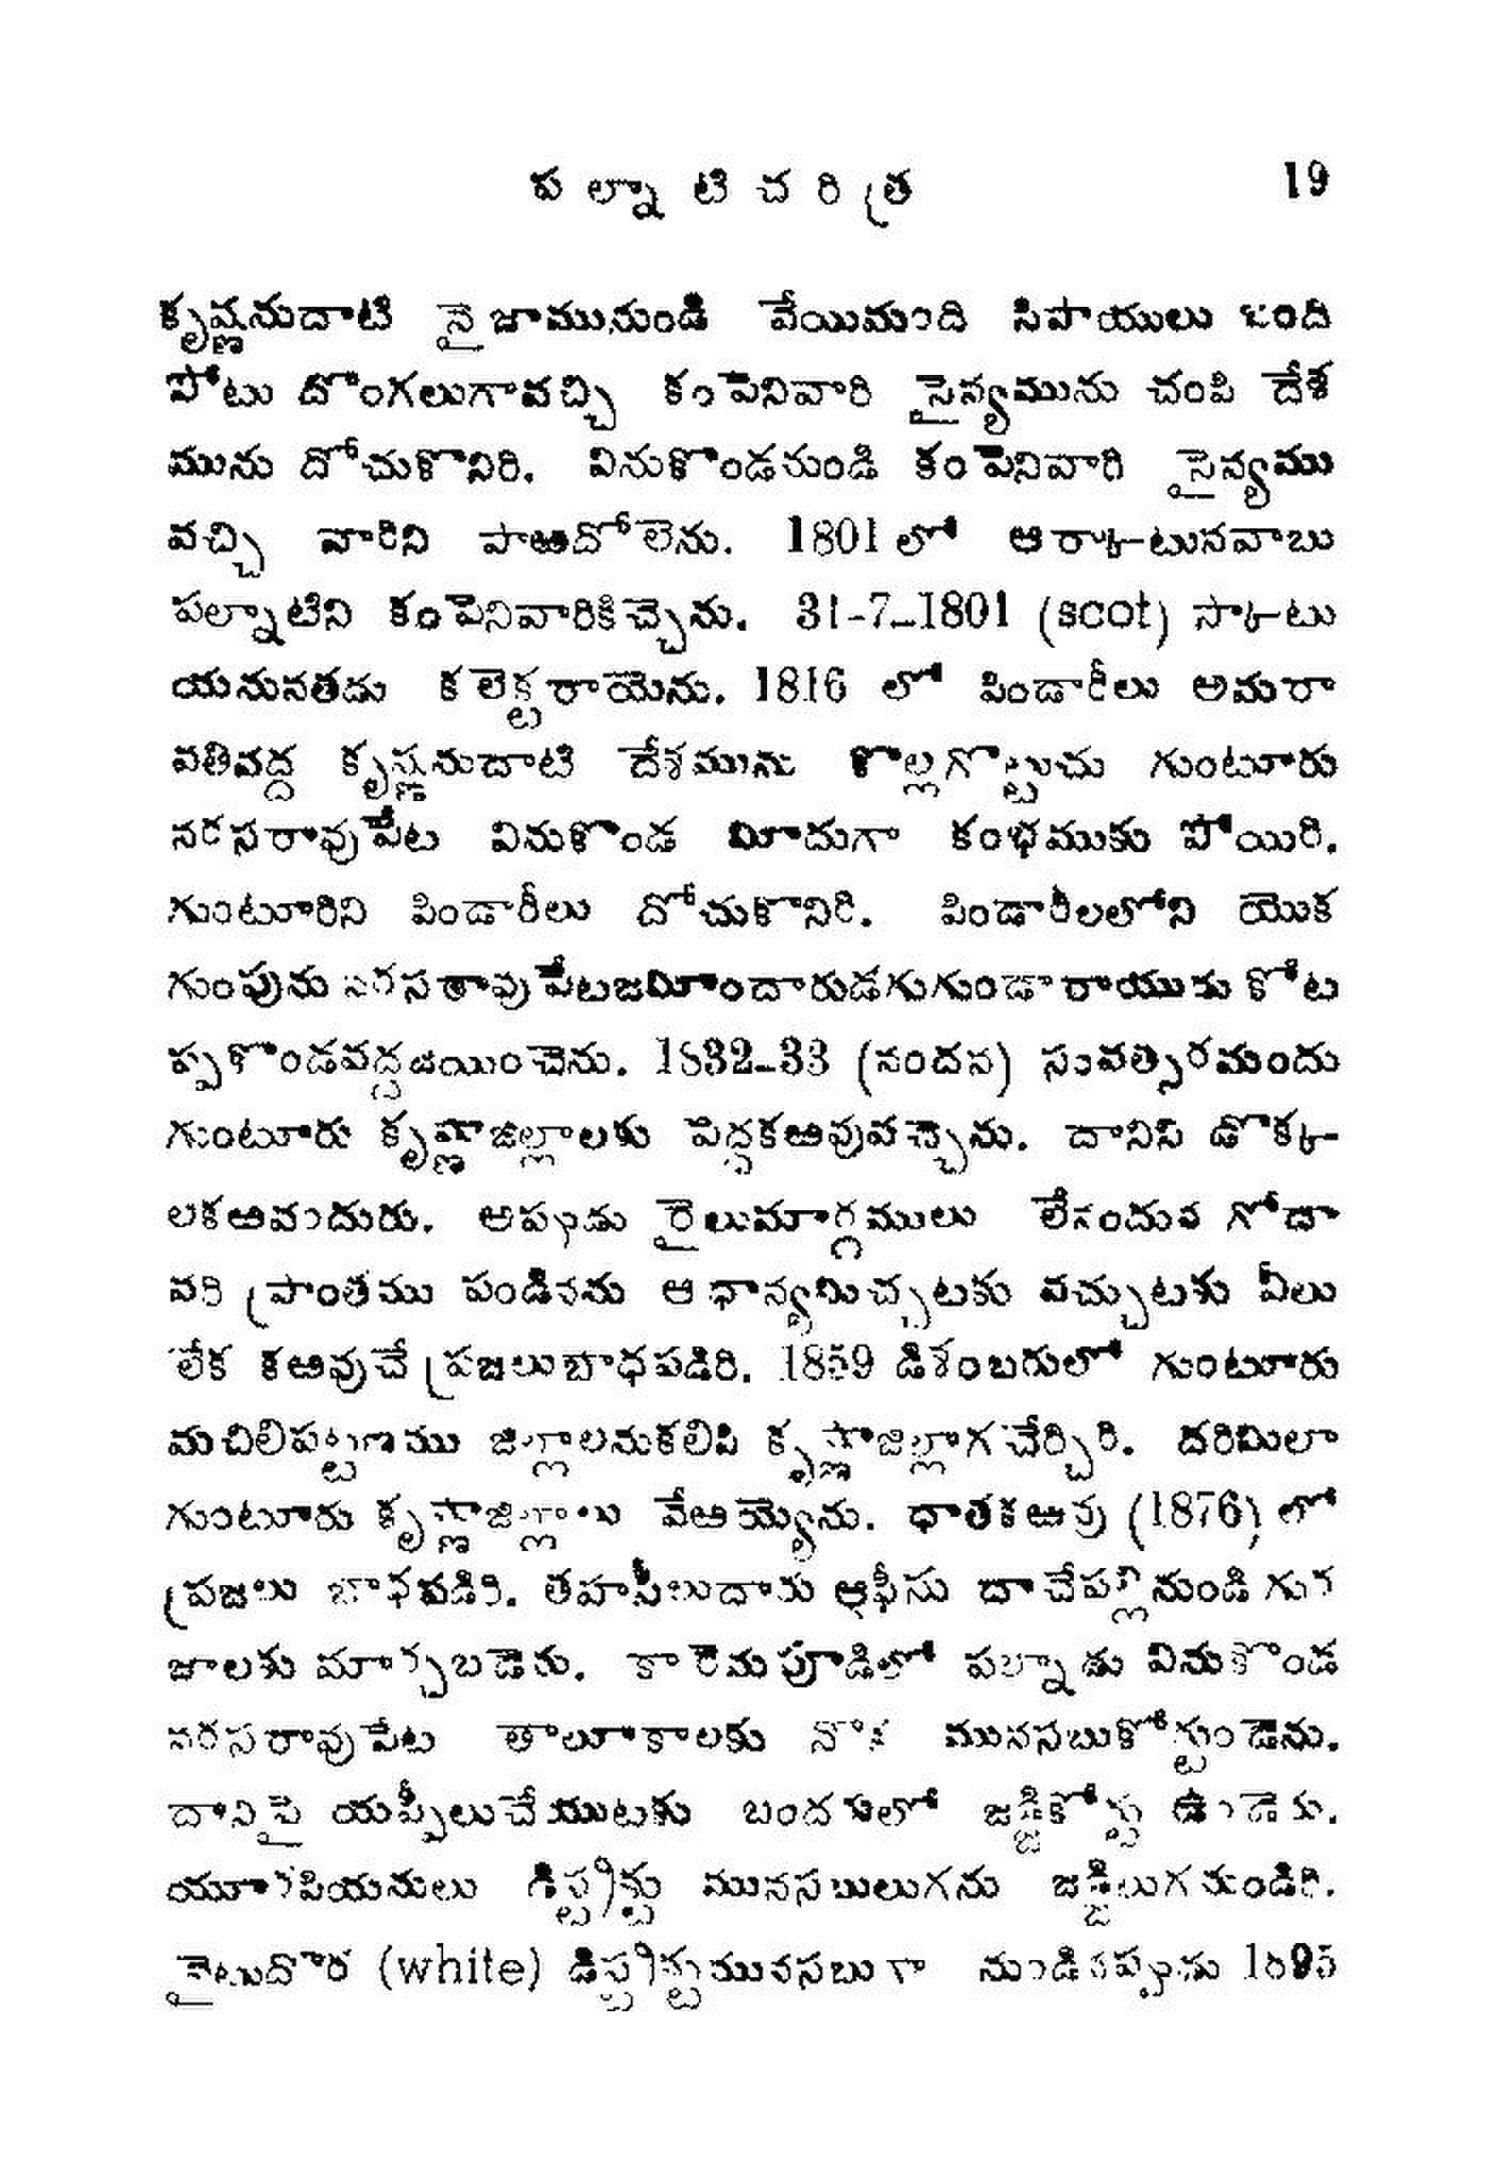కృష్ణనుదాటి నైజామునుండి వేయిమంది సిపాయులు బందిపోటు 
దొంగలుగా వచ్చి కంపెనివారి సైన్యమును చంపి దేశమును 
దోచుకొనిరి. వినుకొండనుండి కంపెని వారి సైన్యము
వచ్చి వారిని పాఱదోలెను. 1801 లో ఆర్కాటునవాబు
పల్నాటిని కంపెనివారికి చ్చెను. 31-7-1801 (scot) స్కాటు
యనునతడు కలెక్టరాయెను. 1816 లో పిండారీలు అమరా
పతివద్ద కృష్ణనుదాటి దేశమును కొల్లగొట్టుచు గుంటూరు
నరసరావుపేట వినుకొండ మీదుగా కంభముకు పోయిరి.
గుంటూరిని పిండారీలు దోచుకొనిరి. పిండారీలలోని యొక
గుంపును నరసరావుపేటజమీందారుడగు గుండారాయుడు కోట
ప్పకొండవద్ద జయించెను. 1832-33 (నందన) సంవత్సరమందు
గుంటూరు కృష్ణాజిల్లాలకు పెద్దకఱవువచ్చెను. దానిని 
డొక్కలకఱవందురు. అప్పుడు రైలుమార్గములు లేనందున గోదా
వరి ప్రాంతము పండినను ఆ ధాన్యమిచ్చటకు వచ్చుటకు వీలు
లేక కఱవుచే ప్రజలు బాధపడిరి. 1859 డిశంబరు లో గుంటూరు
మచిలీపట్టణము జిల్లాలను కలిపి కృష్ణాజిల్లాగ చేర్చిరి. దరిమిలా
గుంటూరు కృష్ణాజిల్లాలు వేఱయ్యెను. ధాత కఱవు (1876) లో
ప్రజలు బాధపడిరి. తహసీలుదారు ఆఫీసు దాచేపల్లి నుండి 
గురజాలకు మార్చబడెను. కారెమపూడిలో పల్నాడు వినుకొండ
నరసరావుపేట తాలూకాలకు నొక మునసబుకోర్టుండెను.
దానిపై యప్పీలు చేయుటకు బందరులో జడ్జికోర్టు ఉండెను.
యూరపియనులు డిస్ట్రక్టు మునసబులుగను జడ్జిలుగనుండిరి.
వైటుదొర (white) డిస్ట్రక్టమునసబుగా నుండినప్పుడు 1895